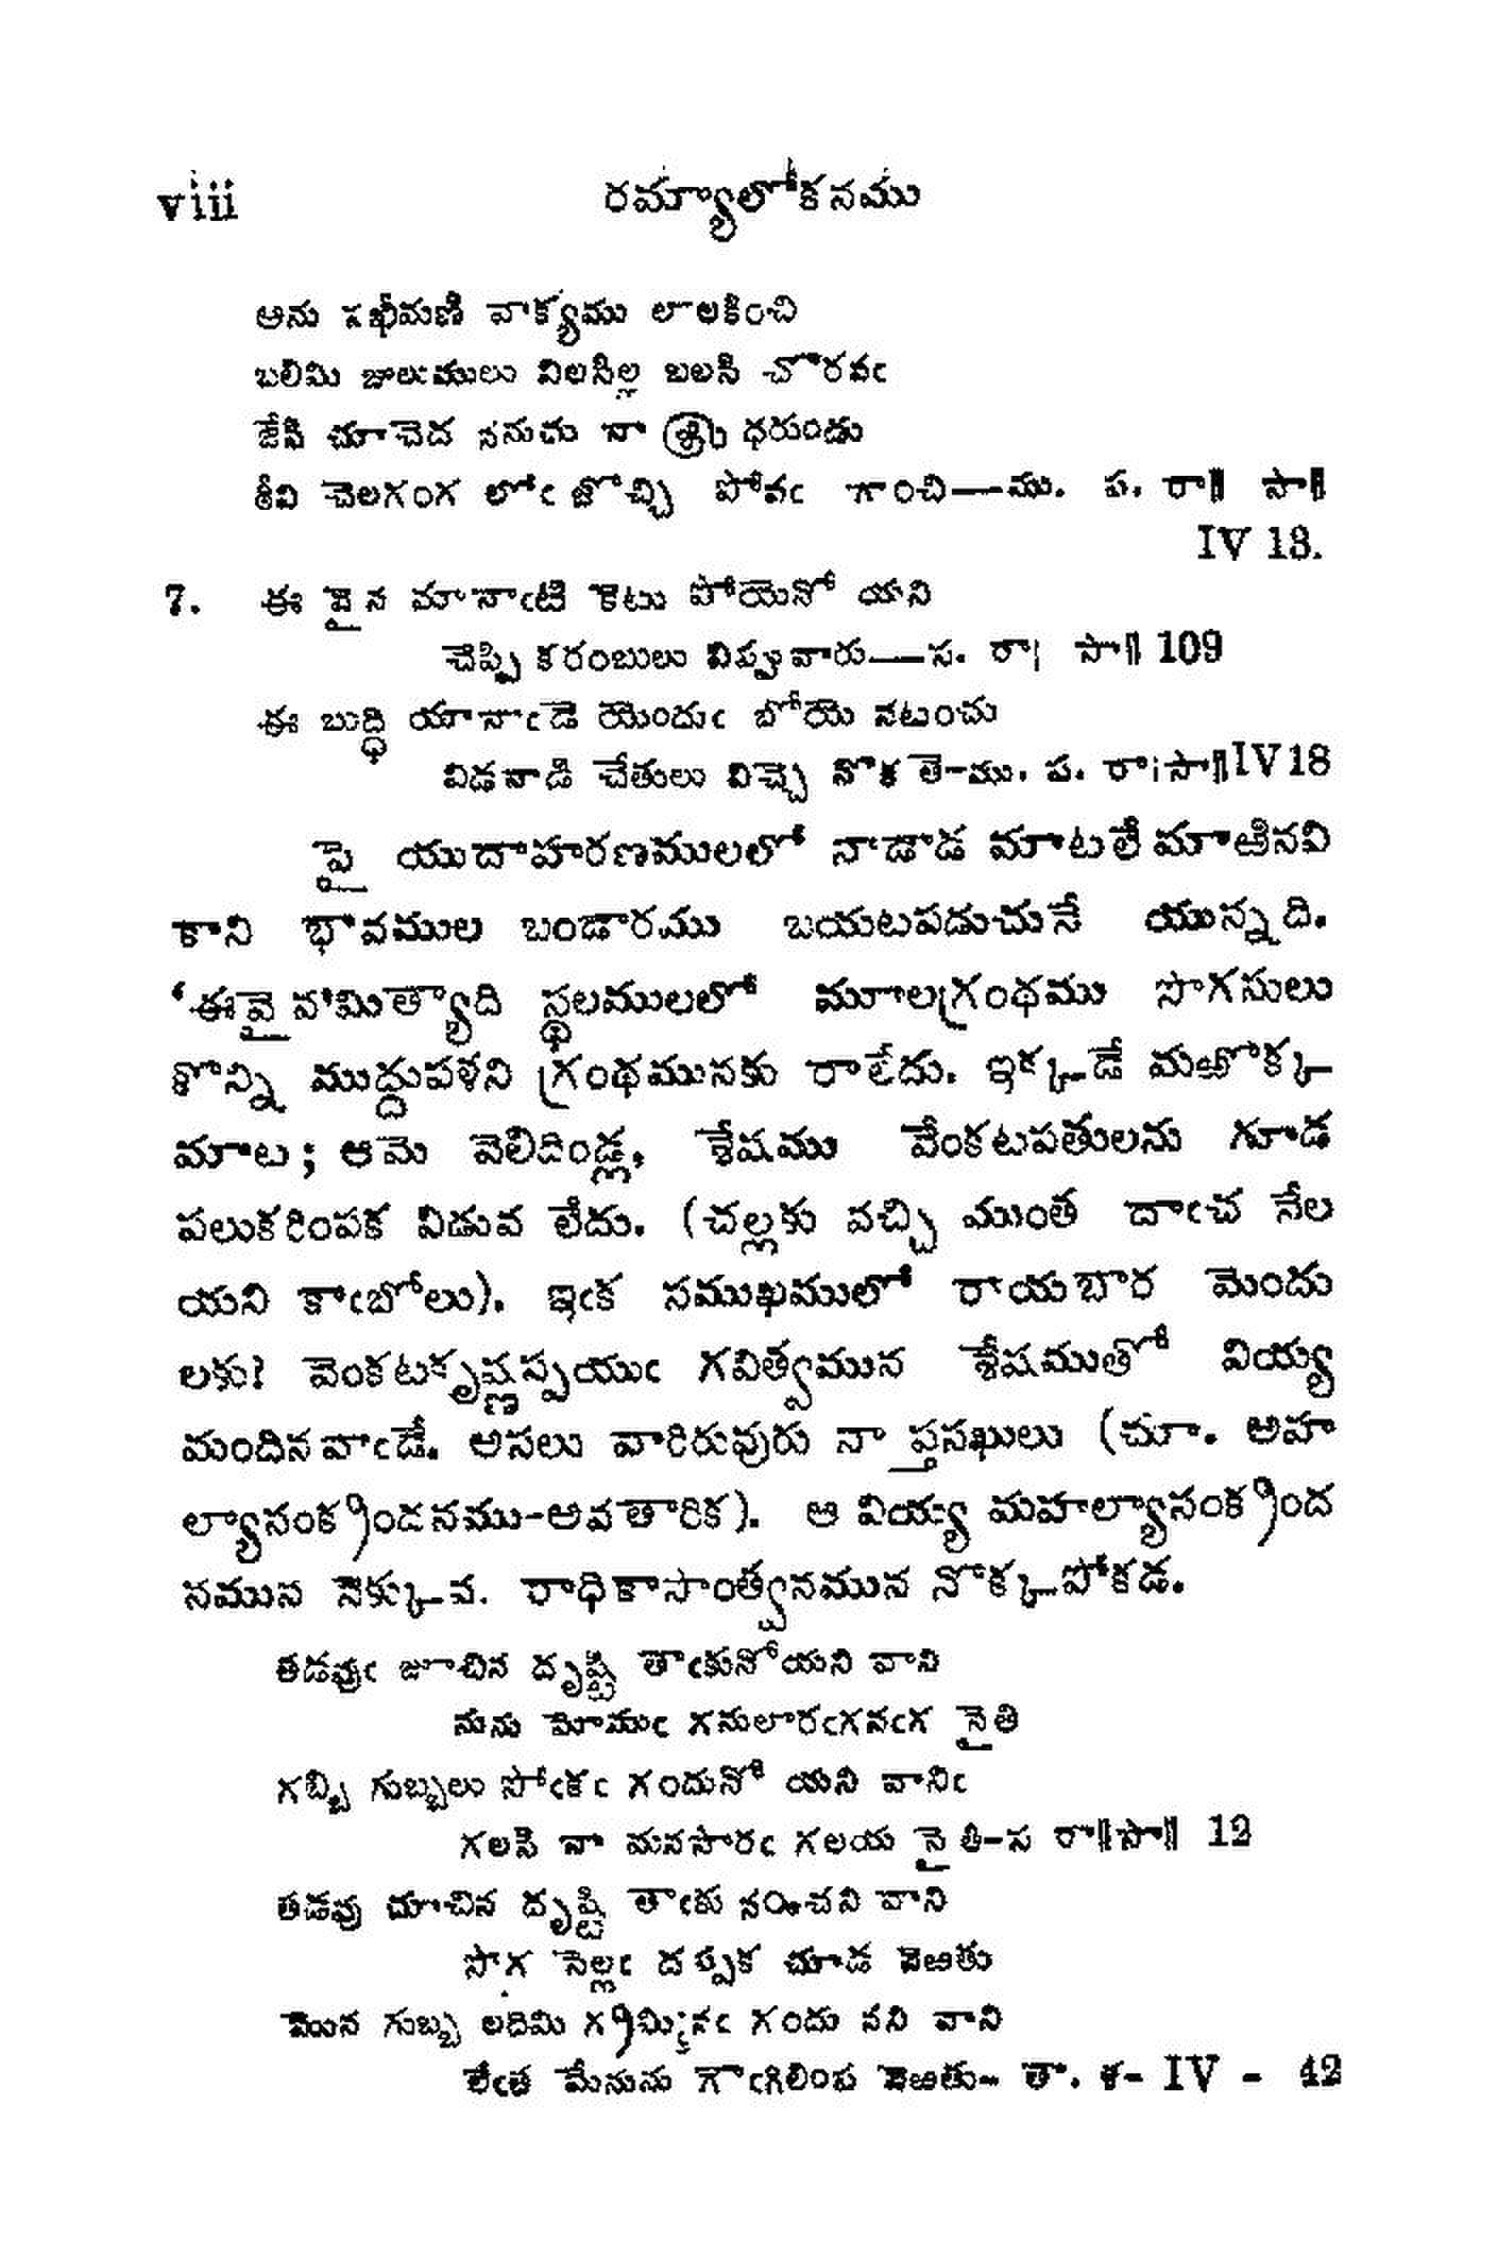అను సఖీమణి వాక్యము లాలకించి
బలిమి జులుములు విలసిల్ల బలసి చొరవఁ
జేసి చూచెద ననుచు నా శ్రీధరుండు
ఠీవి చెలగంగ లోఁ జొచ్చి పోవఁ గాంచి. (ము.ప.రా.సా. 4-13)

ఈ వైన మానాఁటి కెటు పోయెనో యని
 చెప్పి కరంబులు విప్పువారు (స.రా.సా. 109)

ఈ బుద్ధి యానాఁడె యెందుఁ బోయె నటంచు
 విడనాడి చేతులు విచ్చె నొకతె (ము.ప.రా.సా. 4-18) 
పై యుదాహరణములలో నాడాడ మాటలే మాఱినవి కాని భావముల బండారము బయటపడుచునే యున్నది. ‘ఈవైన’మిత్యాది స్థలములలో మూలగ్రంథము సొగసులు కొన్ని ముద్దుపళని గ్రంథమునకు రాలేదు. ఇక్కడే మఱొక్కమాట; ఆమె వెలిదిండ్ల, శేషము వేంకటపతులను గూడ పలుకరింపక విడువలేదు. (చల్లకు వచ్చి ముంత దాఁచ నేల యని కాఁబోలు). ఇఁక సముఖములో రాయబార మెందులకు? వెంకటకృష్ణప్పయుఁ గవిత్వమున శేషముతో వియ్య మందినవాఁడే. అసలు వారిరువురు నాప్తసఖులు (చూ. అహల్యాసంక్రందనము-అవతారిక). ఆ వియ్య మహల్యాసంక్రందనమున నెక్కువ. రాధికాసాంత్వనమున నొక్కపోకడ.
తడవుఁ జూచిన దృష్టి తాఁకునోయని వాని
 నును మోముఁ గనులారఁ గనఁగ నైతి
గబ్బిగుబ్బలు సోఁకఁ గందునో యని వానిఁ
 గలసి నా మనసారఁ గలయనైతి (స.రా.సా. 12)

తడవుచూచిన దృష్టి తాఁకు నంచని వాని
 సొగ సెల్లఁ దప్పక చూడ వెఱతు
మొన గుబ్బ లదిమి గ్రమ్మినఁ గందు నని వాని
 లేఁత మేనును గౌఁగిలింప వెఱతు (తా.శ. 4-42)